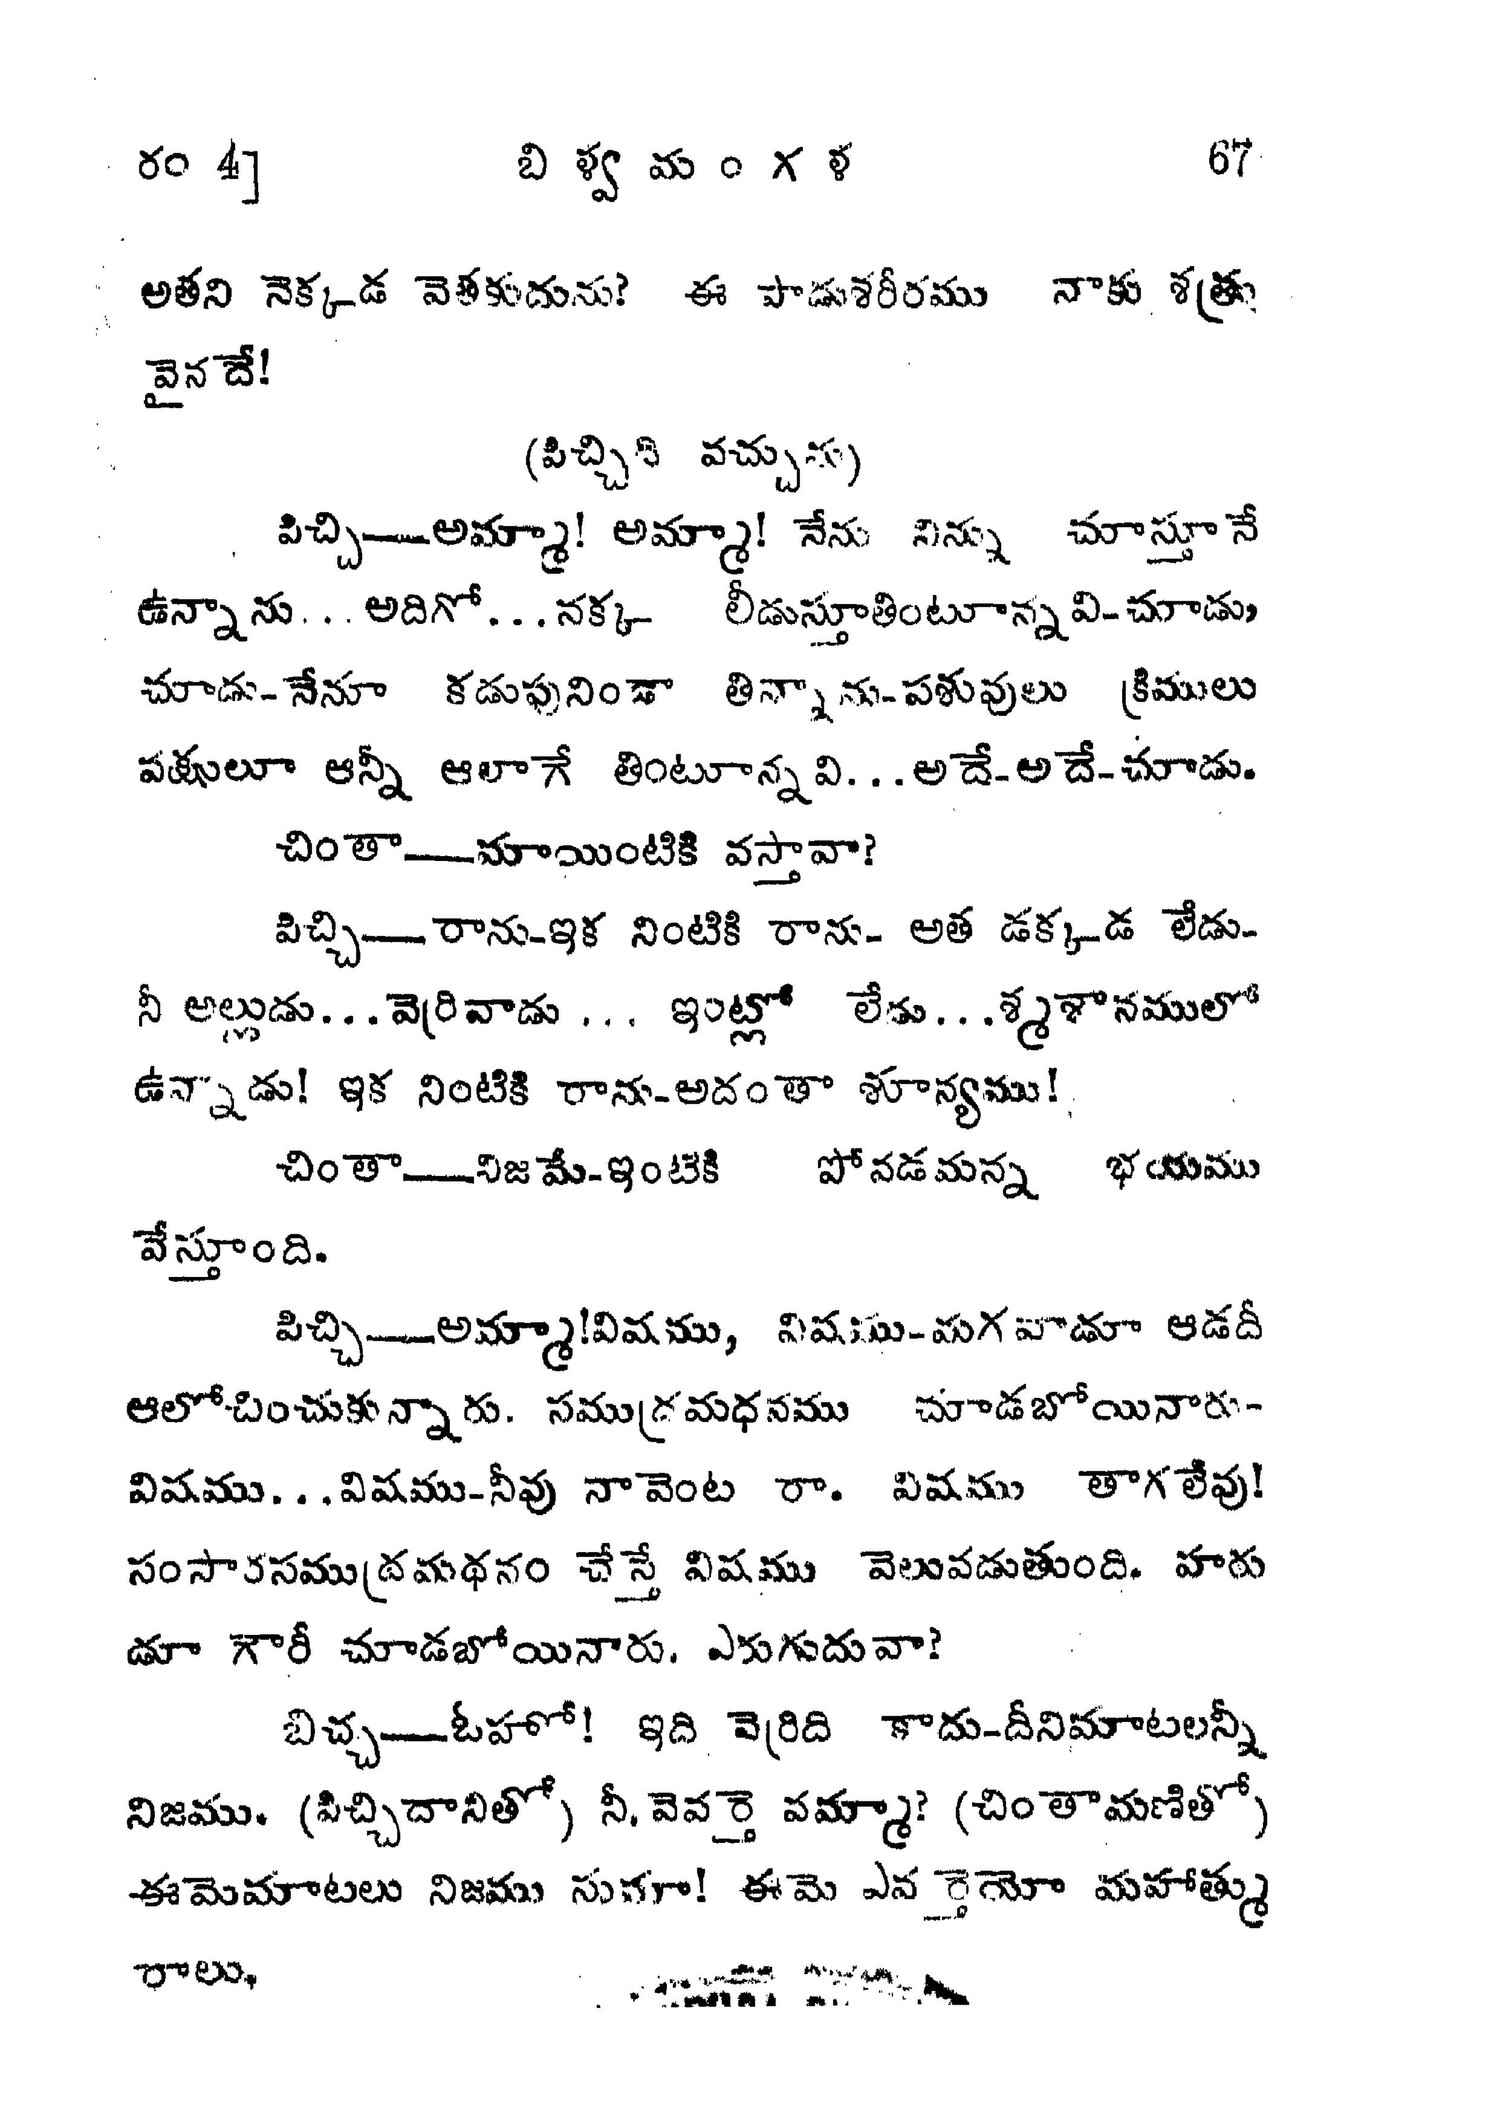అతని నెక్కడ వెతకుదును? ఈ పాడుశరీరము నాకు శత్రువైనదే!

పిచ్చి - అమ్మా! అమ్మా! నేను నిన్ను చూస్తూనే ఉన్నాను... అదిగో... నక్క లీడుస్తూతింటూన్నవి-చూడు, చూడు-నేనూ కడుపునిండా తిన్నాను-పశువులు క్రిములు పక్షులూ ఆన్నీ ఆలాగే తింటూన్నవి... అదే-అదే-చూడు. 

చింతా - మాయింటికి వస్తావా?

పిచ్చి - రాను-ఇక నింటికి రాను - అత డక్కడ లేడు- నీ అల్లుడు....వెర్రివాడు...ఇంట్లో లేడు... శ్మశానములో ఉన్నాడు! ఇక నింటికి రాను-అదంతా శూన్యము!

చింతా - నిజమే-ఇంటికి పోవడమన్న భయము వేస్తూంది.

పిచ్చి - అమ్మా! విషము, విషము-మగవాడూ ఆడదీ ఆలోచించుకున్నారు. సముద్రమధనము చూడబోయినారు-విషము... విషము-నీవు నావెంట రా. విషము తాగలేవు! సంసారసముద్రమథనం చేస్తే విషము వెలువడుతుంది. హరుడూ గౌరీ చూడబోయినారు. ఎరుగుదువా?

బిచ్చ - ఓహో! ఇది వెర్రిది కాదు-దీనిమాటలన్నీ నిజము. (పిచ్చిదానితో) నీ, వెవర్తె వమ్మా? (చింతామణితో) ఈమెమాటలు నిజము సుమా! ఈమె ఎవర్తెయో మహాత్మురాలు.